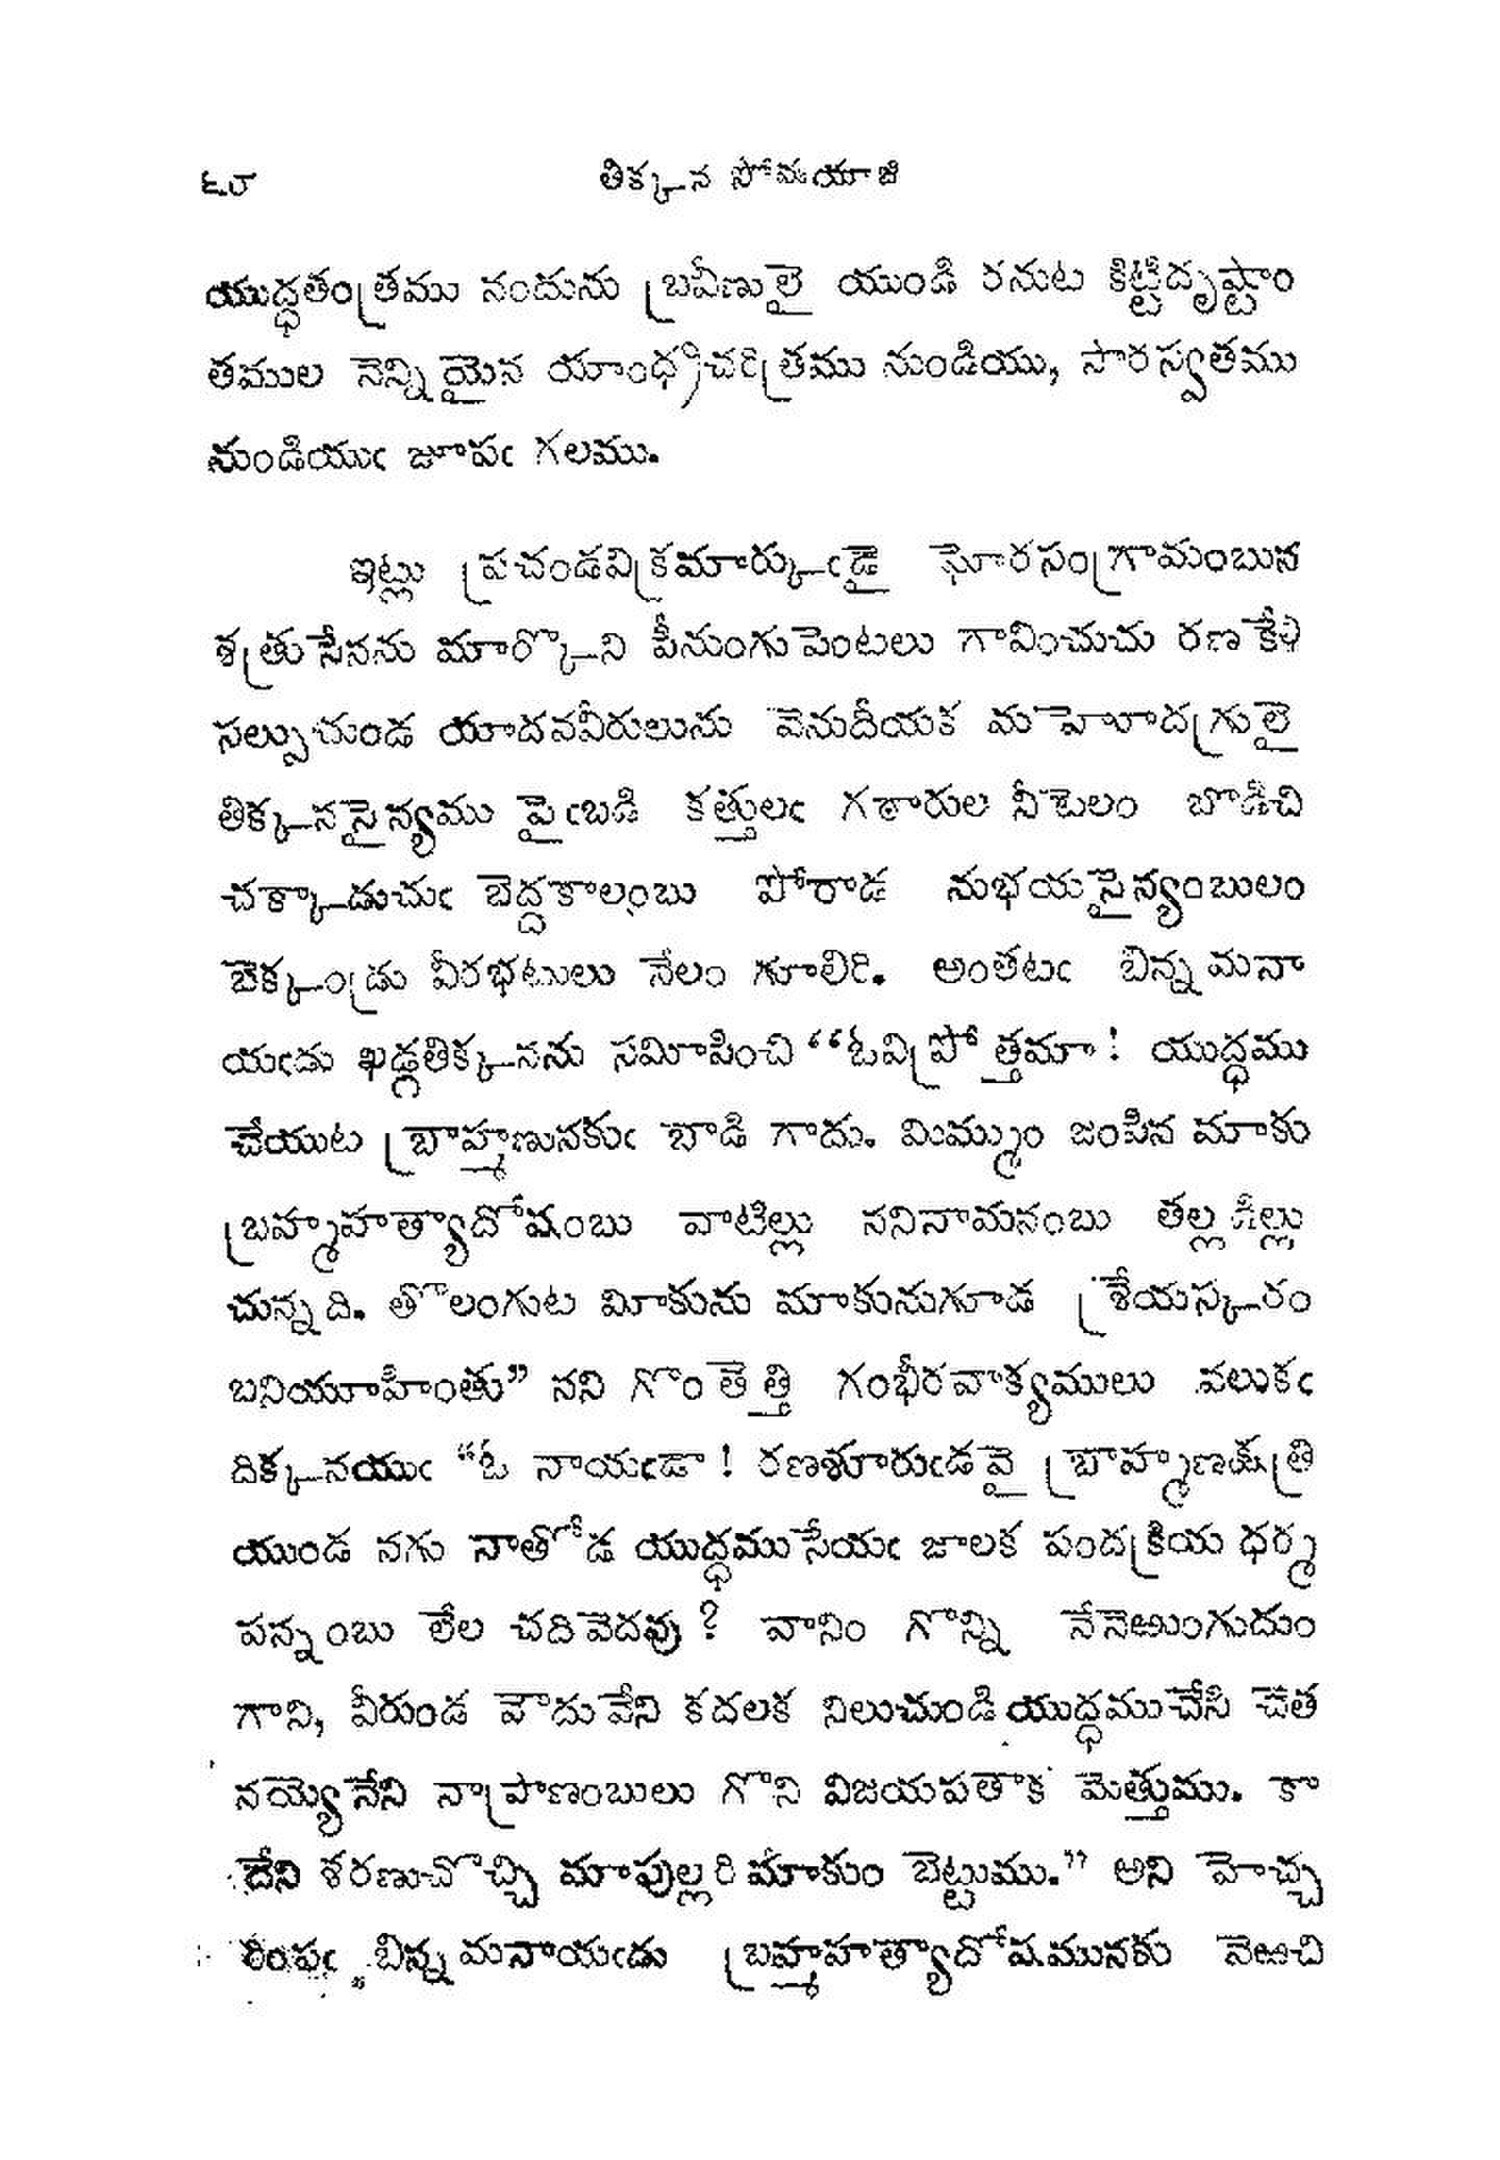యుద్ధతంత్రము నందును బ్రవీణులై యుండి రనుట కిట్టిదృష్టాంతముల నెన్నియైన యాంధ్రచరిత్రము నుండియు, సారస్వతము నుండియుఁ జూపఁ గలము.

ఇట్లు ప్రచండవిక్రమార్కుఁడై ఘోరసంగ్రామంబున శత్రుసేనను మార్కొని పీనుంగుపెంటలు గావించుచు రణకేళి సల్పుచుండ యాదవవీరులును వెనుదీయక మహోదగ్రులై తిక్కనసైన్యము పైఁబడి కత్తులఁ గఠారుల నీటెలం బొడిచి చక్కాడుచుఁ బెద్దకాలంబు పోరాడ నుభయసైన్యంబు లం బెక్కండ్రు వీరభటులు నేలం గూలిరి. అంతటఁ బిన్నమనాయఁడు ఖడ్గతిక్కనను సమీపించి "ఓవిప్రోత్తమా! యుద్ధముచేయుట బ్రాహ్మణునకుఁ బాడి గాదు. మిమ్ముం జంపిన మాకు బ్రహ్మహత్యాదోషంబు వాటిల్లు ననినామనంబు తల్లడిల్లు చున్నది. తొలంగుట మీకును మాకునుగూడ శ్రేయస్కరం బనియూహింతు” నని గొంతెత్తి గంభీరవాక్యములు పలుకఁ దిక్కనయుఁ “ఓ నాయఁడా! రణశూరుఁడవై బ్రాహ్మణక్షత్రియుండ నగు నాతోడ యుద్ధముసేయఁ జాలక పందక్రియ ధర్మ పన్నంబు లేల చదివెదవు? వానిం గొన్ని నేనెఱుంగుదుం గాని, వీరుండ వౌదువేని కదలక నిలుచుండి యుద్ధముచేసి చెతనయ్యెనేని నా ప్రాణంబులు గొని విజయపతాక మెత్తుము. కాదేని శరణుజొచ్చి మాపుల్లరి మాకుం బెట్టుము." అని 'హెచ్చరింపఁ బిన్నమనాయఁడు బ్రహ్మహత్యాదోషమునకు వెఱచి